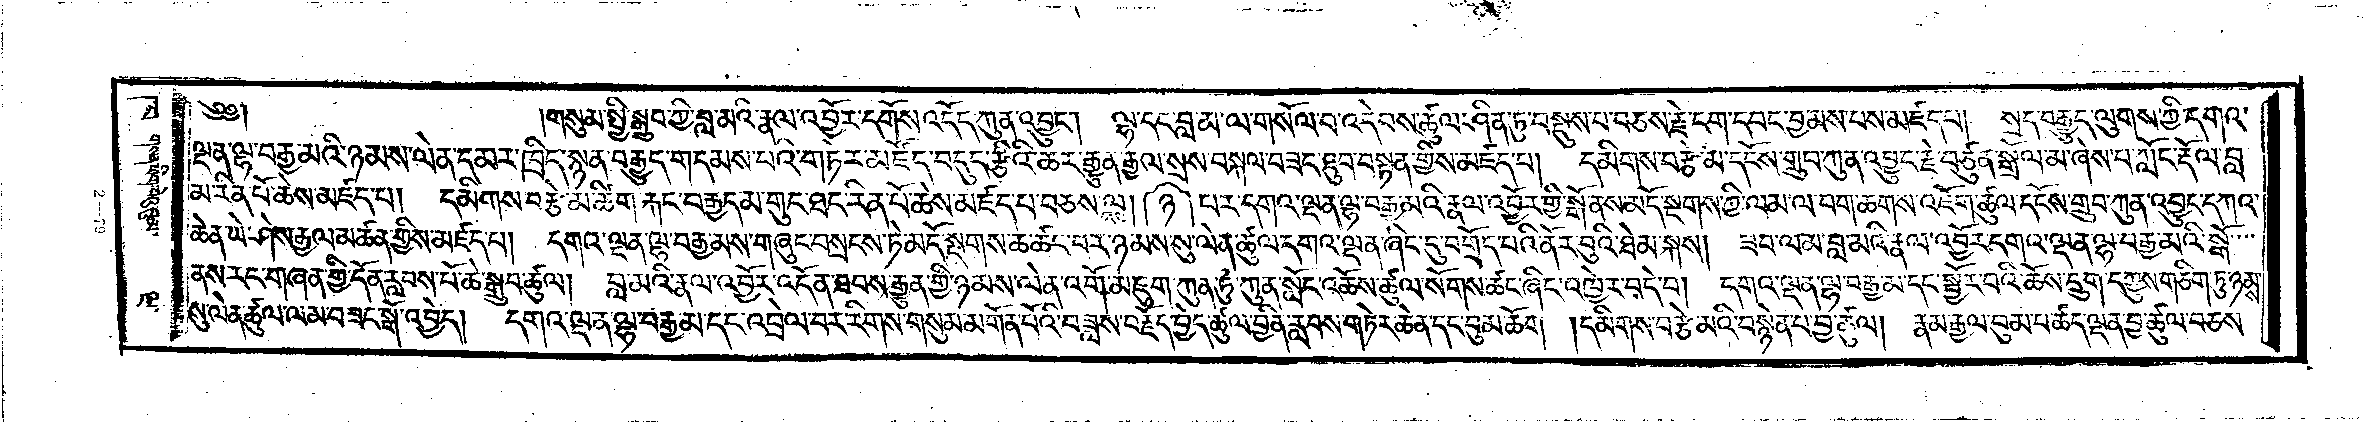༄༅། །གསུམ་སྤྱི་སྒྲུབ་ཀྱི་བླ་མའི་རྣལ་འབྱོར་དགོས་འདོད་ཀུན་འབྱུང་། ལྷ་དང་བླ་མ་ལ་གསོལ་བ་འདེབས་ཚུལ་ཤིན་ཏུ་བསྡུས་པ་བཅས་རྗེ་ངག་དབང་བྱམས་པས་མཛད་པ། སྲད་བརྒྱུད་ལུགས་ཀྱི་དགའ་
ལྡན་ལྷ་བརྒྱ་མའི་ཉམས་ལེན་དམར་ཁྲིད་སྙན་བརྒྱུད་གདམས་པའི་གཏེར་མཛོད་བདུད་རྩིའི་ཆར་རྒྱུན་རྒྱལ་སྲས་བསྐལ་བཟང་ཐུབ་བསྟན་གྱིས་མཛད་པ། དམིགས་བརྩེ་མ་དངོས་གྲུབ་ཀུན་འབྱུང་རྗེ་བཙུན་སྒྲོལ་མ་ཞེས་པ་ཀློང་རྡོལ་བླ་
མ་རིན་པོ་ཆེས་མཛད་པ། དམིགས་བརྩེ་མ་ཚིག་རྐང་བརྒྱད་མ་གུང་ཐང་རིན་པོ་ཆེས་མཛད་པ་བཅས་ལ། ༼ཉ༽ པར་དགའ་ལྡན་ལྷ་བརྒྱ་མའི་རྣལ་འབྱོར་གྱི་སྒོ་ནས་མདོ་སྔགས་ཀྱི་ལམ་ལ་བག་ཆགས་འཇོག་ཚུལ་དངོས་གྲུབ་ཀུན་འབྱུང་དཀའ་
ཆེན་ཡེ་ཤེས་རྒྱལ་མཚན་གྱིས་མཛད་པ། དགའ་ལྡན་ལྷ་བརྒྱ་མས་གཞུང་བསྲངས་ཏེ་མདོ་སྔགས་ཆ་ཚང་བར་ཉམས་སུ་ལེན་ཚུལ་དགའ་ལྡན་ཞིང་དུ་བགྲོད་པའི་ནོར་བུའི་ཐེམ་སྐས། ཟབ་ལ་མ་བླ་མའི་རྣལ་འབྱོར་དགའ་ལྡན་ལྷ་བརྒྱ་མའི་སྒོ་
ནས་རང་གཞན་གྱུཨི་དོན་རླབས་པོ་ཆེ་སྒྲུབ་ཚུལ། བླ་མའི་རྣལ་འབྱོར་འདོན་ཐབས་རྒྱུན་གྱི་ཉམས་ལེན་འོག་མཇུག་ཀུན་ཏུ་ཀུན་སློང་འཆོས་ཚུལ་སོགས་ཚང་ཞིང་འཁྱེར་བདེ་བ། དགའ་ལྡན་ལྷ་བརྒྱ་མ་དང་སྦྱོར་བའི་ཆོས་དྲུག་དཀྱུས་གཅིག་ཏུ་ཉམས་
སུ་ལེན་ཚུལ་ལམ་བཟང་སྒོ་འབྱེད། དགའ་ལྡན་ལྷ་བརྒྱ་མ་དང་འབྲེལ་བར་རིགས་གསུམ་མགོན་པོའི་བཟླས་བརྗོད་བྱེད་ཚུལ་བྱིན་རླབས་གཏེར་ཆེན་དང་བུམ་ཆོག །དམིགས་བརྩེ་མའི་བསྙེན་པ་བྱ་ཚུལ། རྣམ་རྒྱལ་བུམ་པ་ཚད་ལྡན་བྱ་ཚུལ་བཅས་